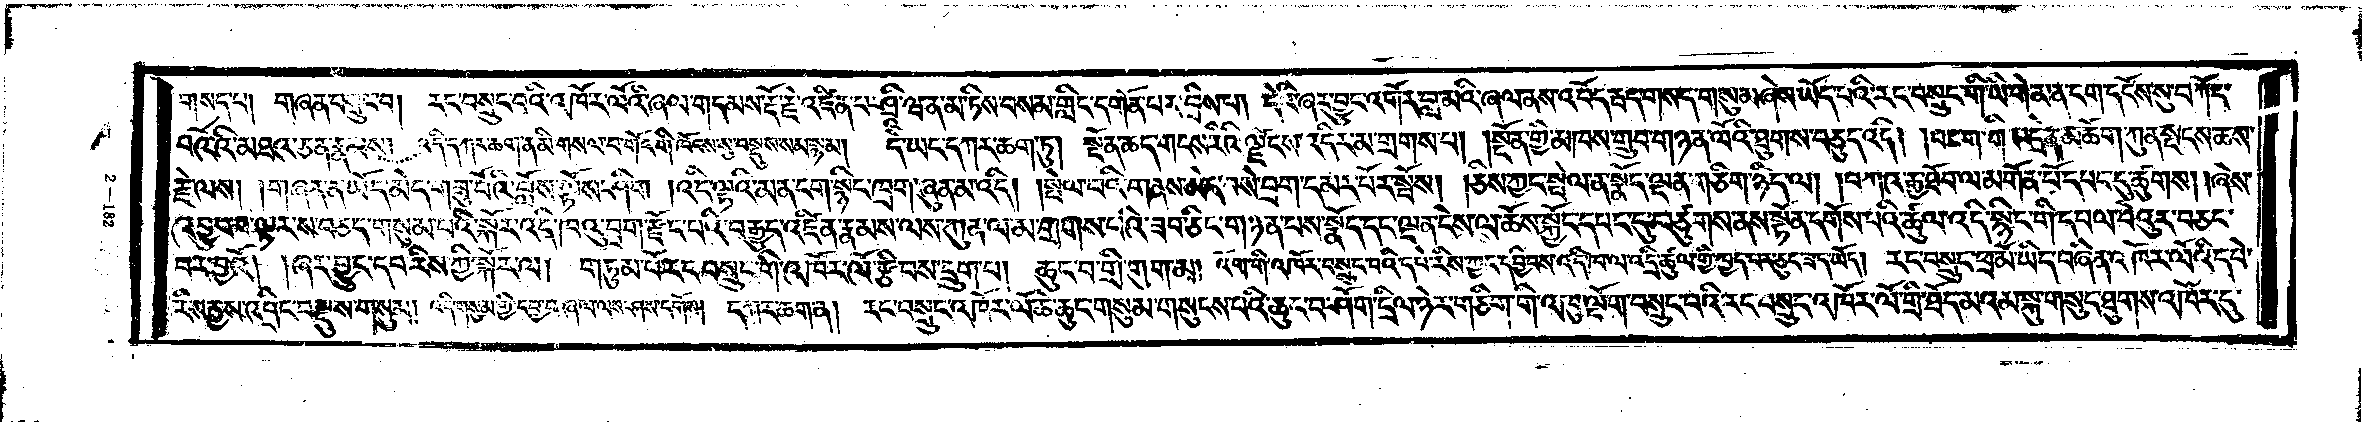གསད་པ། གཞན་བསྲུང་བ། རང་བསྲུང་བའི་འཁོར་ལོའི་ཞལ་གདམས་རྡོ་རྗེ་འཛིན་པ་ཤྲཱི་ཝ་ན་མ་ཏིས་བསམ་གླིང་དགོན་པར་བྲིས་པ། དེའི་ཞར་བྱུང་འགོར་བླ་མའི་ཞལ་ནས་འབོད་རྦད་གསད་གསུམ་ཞེས་ཡོད་པའི་རང་བསྲུང་གི་ཡི་གེ་མན་ངག་དངོས་སུ་བཀོད་
པའོའི་མཐའ་ཅན་རྣམས། འདི་དཀར་ཆག་ན་མི་གསལ་བ་གོང་གི་ཁོངས་སུ་བསྡུས་སམ་སྙམ།  དེ་ཡང་དཀར་ཆག་ཏུ། སྔོན་ཆད་གངས་རིའི་ལྗོངས་འདིར་མ་གྲགས་པ། །སྔོན་གྱི་མཁས་གྲུབ་གཉན་ལོའི་ཐུགས་བཅུད་འདི། །བདག་གི་འདྲེན་མཆོག་ཀུན་སྡངས་ཆས་
རྗེ་ལས། །གཞན་ན་ཡོད་མེད་གཟུ་བོའི་བློས་ལྟོས་ཤིག །འདི་ལྟའི་མན་ངག་སྙིང་ཁྲག་ཞུན་མ་འདི། །སྤེལ་བའི་གནས་མེད་བསེ་བྲག་དམར་པོར་སྦོས། །ཅིས་ཀྱང་སྤེལ་ན་སྣོད་ལྡན་གཅིག་ཉིད་ལ། །བཀའ་རྒྱ་ཐོབ་ལ་མགོན་པོ་དབང་དུ་ཚུགས། །ཞེས་
འབྱུང་བ་ལྟར་ས་བཅད་གསུམ་པའི་སྐོར་འདི་ཁའུ་བྲག་རྫོང་པའི་བརྒྱུད་འཛིན་རྣམས་ལས་ཀུན་ལ་མ་གྲགས་པའི་ཟབ་ཅིང་གཉན་པས་སྣོད་དང་ལྡན་ངེས་ལ་ཆོས་སྐྱོང་དབང་དུ་བཙུགས་ནས་སྟོན་དགོས་པའི་ཚུལ་འདི་སྙིང་གི་དཔལ་བེའུར་བཅང་
བར་བྱའོ། །ཞར་བྱུང་དབ་རིས་ཀྱི་སྐོར་ལ། གཏུམ་པོ་རང་བསྲུང་གི་འཁོར་ལོ་རྩིབས་དྲུག་པ། ཆུང་བ་གྲི་གུག་མ། འོག་གི་འཁོར་བསྲུང་བའི་དཔེ་རིས་ཀྱང་དབྱིབས་འདི་ཁ་ལ་འདྲི་ཚུལ་གྱི་ཁྱད་པར་ཅུང་ཟད་ཡོད།  རང་བསྲུང་ཕྲ་མོ་ཡིད་བཞིན་འཁོར་ལོའི་དཔེ་
རིས་རྒྱས་འབྲིང་བསྡུས་གསུམ། འདི་གསུམ་གྱི་དབྱ་བ་ཞལ་ལས་ཤས་དགོས།  དཀར་ཆག་ན། རང་བསྲུང་འཁོར་ལོ་ཆེ་ཆུང་གསུམ་གསུངས་པའི་ཆུང་བ་ཤོག་དྲིལ་ཉེར་གཅིག་གི་འཁུ་ལྡོག་བསྲུང་བའི་རང་བསྲུང་འཁོར་ལོ་གྲི་ཐོད་མའམ་སྐུ་གསུང་ཐུགས་འཁོར་དུ་